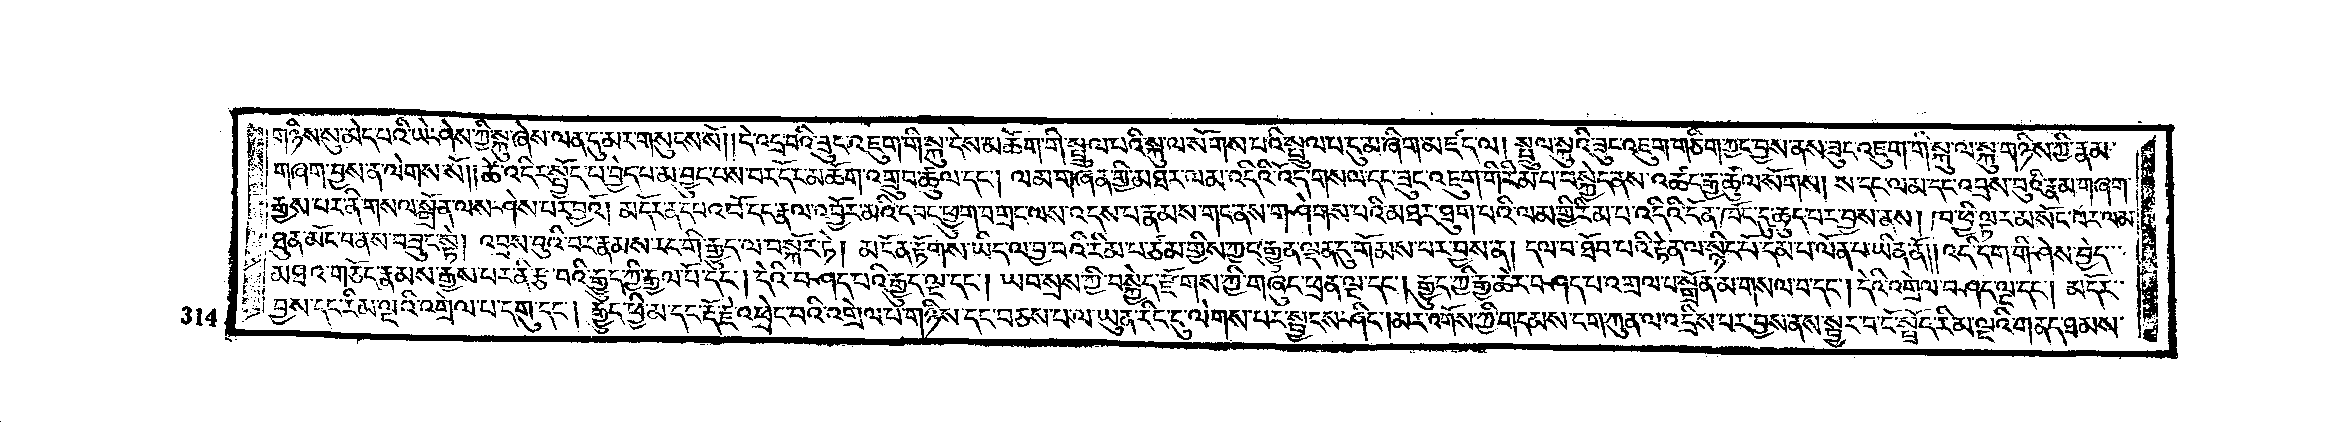གཉིས་སུ་མེད་པའི་ཡེ་ཤེས་ཀྱི་སྐུ་ཞེས་ལན་དུ་མར་གསུངས་སོ། །དེ་འདྲ་བའི་ཟུང་འཇུག་གི་སྐུ་དེས་མཆོག་གི་སྤྲུལ་པའི་སྐུ་ལ་སོགས་པའི་སྤྲུལ་པ་དུ་མ་ཞིག་མཛད་ལ། སྤྲུལ་སྐུའི་ཟུང་འཇུག་གཅིག་ཀྱང་བྱས་ནས་ཟུང་འཇུག་གི་སྐུ་ལ་སྐུ་གཉིས་ཀྱི་རྣམ་
གཞག་བྱས་ན་ལེགས་སོ། །ཚེ་འདིར་སྤྱོད་པ་བྱེད་པ་མ་བྱུང་བས་བར་དོར་མཆོག་འགྲུབ་ཚུལ་དང་། ལམ་གཞན་གྱི་མཐར་ལམ་འདིའི་འོད་གསལ་དང་ཟུང་འཇུག་གི་རིམ་པ་བསྐྱེད་ནས་འཚང་རྒྱ་ཚུལ་སོགས། ས་དང་ལམ་དང་འབྲས་བུའི་རྣམ་གཞག་
རྒྱས་པར་ནི་གསལ་སྒྲོན་ལས་ཤེས་པར་བྱའོ། མདོར་ན་དཔའ་བོ་དང་རྣལ་འབྱོར་མའི་དབང་ཕྱུག་བགྲང་ལས་འདས་པ་རྣམས་གང་ནས་གཤེགས་པའི་མཐར་ཐུག་པའི་ལམ་གྱི་རིམ་པ་འདིའི་དོན་ཁོང་དུ་ཆུད་པར་བྱས་ནས། ཁ་ཕྱི་ལྟར་མ་སོང་བར་ལམ་
ཐུན་མོང་བ་ནས་བཟུང་སྟེ། འབྲས་བུའི་བར་རྣམས་རང་གི་རྒྱུད་ལ་བསྐོར་ཏེ། མངོན་རྟོགས་ཡིད་ལ་བྱ་བའི་རིམ་པ་ཙམ་གྱིས་ཀྱང་རྒྱུན་ལྡན་དུ་གོམས་པར་བྱས་ན། དལ་བ་ཐོབ་པའི་རྟེན་ལ་སྙིང་པོ་དམ་པ་ལོན་པ་ཡིན་ནོ། །འདི་དག་གི་ཤེས་བྱེད་
མཐའ་གཅོད་རྣམས་རྒྱས་པར་ནི་རྩ་བའི་རྒྱུད་ཀྱི་རྒྱལ་པོ་དང་། དེའི་བཤད་པའི་རྒྱུད་ལྔ་དང་། ཡབ་སྲས་ཀྱི་བསྐྱེད་རྫོགས་ཀྱི་གཞུང་ཕྲན་ལྔ་དང་། རྒྱུད་ཀྱི་རྒྱ་ཆེར་བཤད་པ་འགྲལ་བ་སྒྲོན་མ་གསལ་བ་དང་། དེའི་འགྲེལ་བཤད་ལྔ་དང་། མདོར་
བྱས་དང་རིམ་ལྔའི་འགྲེལ་པ་དགུ་དང་། རྒྱུད་ཕྱི་མ་དང་རྡོ་རྗེ་འཕྲེང་བའི་འགྲེལ་པ་གཉིས་དང་བཅས་པ་ལ་ཡུན་རིང་དུ་ལེགས་པར་སྦྱངས་ཤིང་། མར་འགོས་ཀྱི་གདམས་ངག་ཀུན་ལ་འདྲིས་པར་བྱས་ནས་སྦྱར་བ་ངོ་སྤྲོད་རིམ་ལྔའི་གནད་ཐམས་